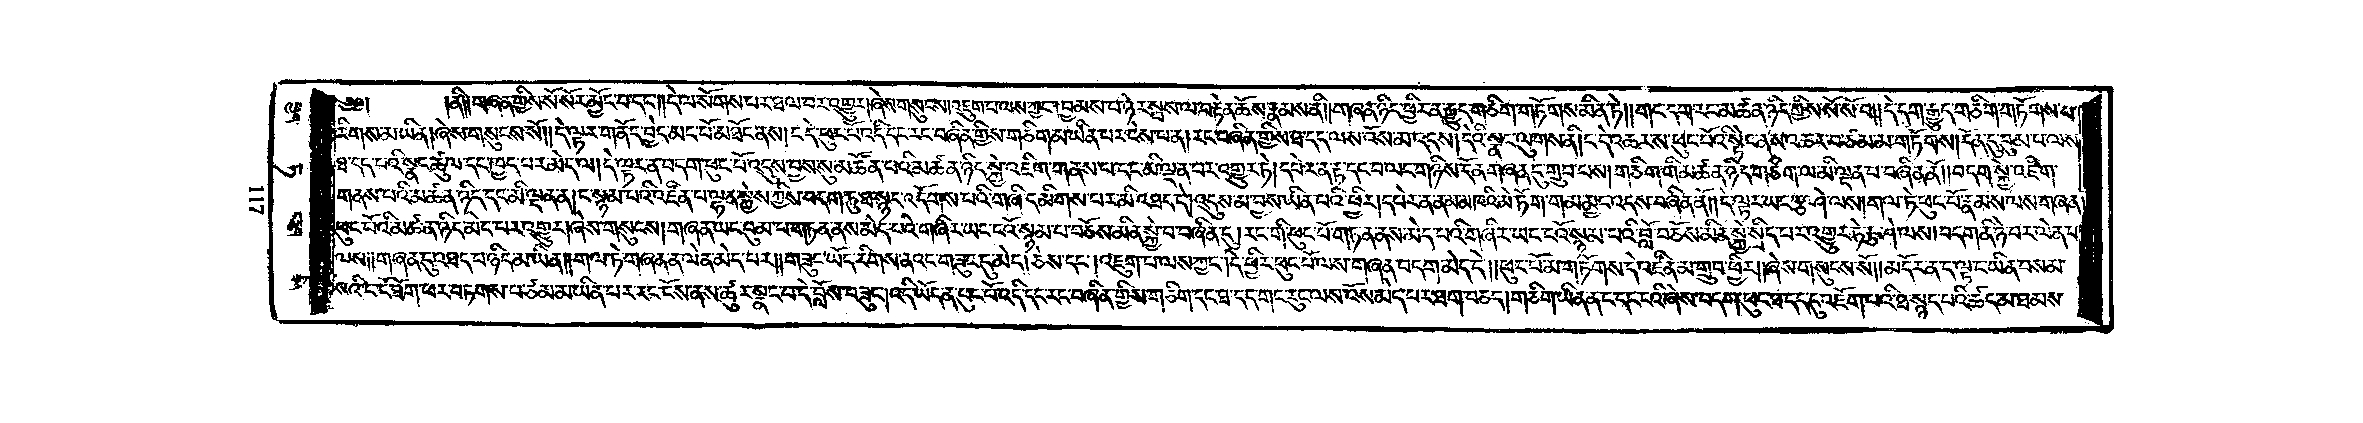༄༅། །ནི། །གཞན་གྱིས་སོ་སོར་མྱོང་བ་དང་། །དེ་ལ་སོགས་པར་ཐལ་བར་འགྱུར། ཞེས་གསུངས། འཇུག་པ་ལས་ཀྱང་། བྱམས་པ་ཉེར་སྤས་ལ་བརྟེན་ཆོས་རྣམས་ནི། །གཞན་ཉིད་ཕྱིར་ན་རྒྱུད་གཅིག་གཏོགས་མིན་ཏེ། །གང་དག་རང་ཚན་ཉིད་ཀྱིས་སོ་སོ་བ། །དེ་དག་རྒྱུད་གཅིག་གཏོགས་པ་
རིགས་མ་ཡིན། ཞེས་གསུངས་སོ། །དེ་ལྟར་གནོད་བྱེད་མང་པོ་མཐོང་ནས། ང་དེ་ཕུང་པོ་འདི་དང་རང་བཞིན་གྱིས་གཅིག་མ་ཡིན་པར་ངེས་པ་ན། རང་བཞིན་གྱིས་ཐ་དད་ལས་འོས་མ་འདས། དེའི་སྣང་ལུགས་ནི། ང་དེ་འཆར་ས་ཕུང་པོའི་སྟེང་ནས་འཆར་བ་ཙམ་མ་གཏོགས། དོན་དུ་བུམ་པ་ལས་
ཐ་དད་པའི་སྣང་ཚུལ་དང་ཁྱད་པར་མེད་ལ། དེ་ལྟར་ན་བདག་ཕུང་པོ་འདུས་བྱས་སུ་མཚོན་པའི་མཚན་ཉིད་སྐྱེ་འཇིག་གནས་པ་དང་མི་ལྡན་པར་འགྱུར་ཏེ། དཔེར་ན་རྟ་དང་བ་ལང་གཉིས་དོན་གཞན་དུ་གྲུབ་པས། གཅིག་གི་མཚན་ཉིད་གཅིག་ལ་མི་ལྡན་པ་བཞིན་ནོ། །བདག་སྐྱེ་འཇིག་
གནས་པའི་མཚན་ཉིད་དང་མི་ལྡན་ན། ང་སྙམ་པའི་འཛིན་པ་ལྷན་སྐྱེས་ཀྱིས་བདག་ཏུ་ཐ་སྙད་འདོགས་པའི་གཞི་དམིགས་པར་མི་འཐད་དེ། འདུས་མ་བྱས་ཡིན་པའི་ཕྱིར། དཔེར་ན་ནམ་མཁའི་མེ་ཏོག་གམ་མྱང་འདས་བཞིན་ནོ། །དེ་ལྟར་ཡང་རྩ་ཤེ་ལས། གལ་ཏེ་ཕུང་པོ་རྣམས་ལས་གཞན་
ཕུང་པོའི་མཚན་ཉིད་མེད་པར་འགྱུར། ཞེས་གསུངས། གཞན་ཡང་བུམ་པ་གཏན་ནས་མེད་པའི་གཞིར་ཡང་ངའོ་སྙམ་པ་བཅོས་མིན་སྐྱེ་བ་བཞིན་དུ། རང་གི་ཕུང་པོ་གཏན་ནས་མེད་པའི་གཞིར་ཡང་ངའོ་སྙམ་པའི་བློ་བཅོས་མིན་སྐྱེ་སྲིད་པར་འགྱུར་ཏེ་རྩ་ཤེ་ལས། བདག་ནི་ཉེ་བར་ལེན་པ་
ལས། །གཞན་དུ་འཐད་པ་ཉིད་མ་ཡིན། །གལ་ཏེ་གཞན་ན་ལེན་མེད་པར། །གཟུང་ཡོད་རིགས་ནའང་གཟུང་དུ་མེད། ཅེས་དང་། འཇུག་པ་ལས་ཀྱང་། དེ་ཕྱིར་ཕུང་པོ་ལས་གཞན་བདག་མེད་དེ། །ཕུང་པོ་མ་གཏོགས་དེ་འཛིན་མ་གྲུབ་ཕྱིར། །ཞེས་གསུངས་སོ། །མདོར་ན་ད་ལྟང་ཡིན་བསམ་
སའི་ང་ངོ་ཐོག་ཕར་བཏགས་པ་ཙམ་མ་ཡིན་པར་རང་ངོས་ནས་ཚུར་སྣང་བ་དེ་བློས་བཟུང་། འདི་ཡོད་ན་ཕུང་པོ་འདི་དང་རང་བཞིན་གྱིས་གཅིག་དང་ཐ་དད་གང་རུང་ལས་འོས་མེད་པར་ཐག་བཅད། གཅིག་ཡིན་ནང་དང་ངའི་ཞེས་བདག་ཕུང་ཐ་དད་དུ་འཇོག་པའི་ཐ་སྙད་པའི་ཚད་མ་ཐམས་